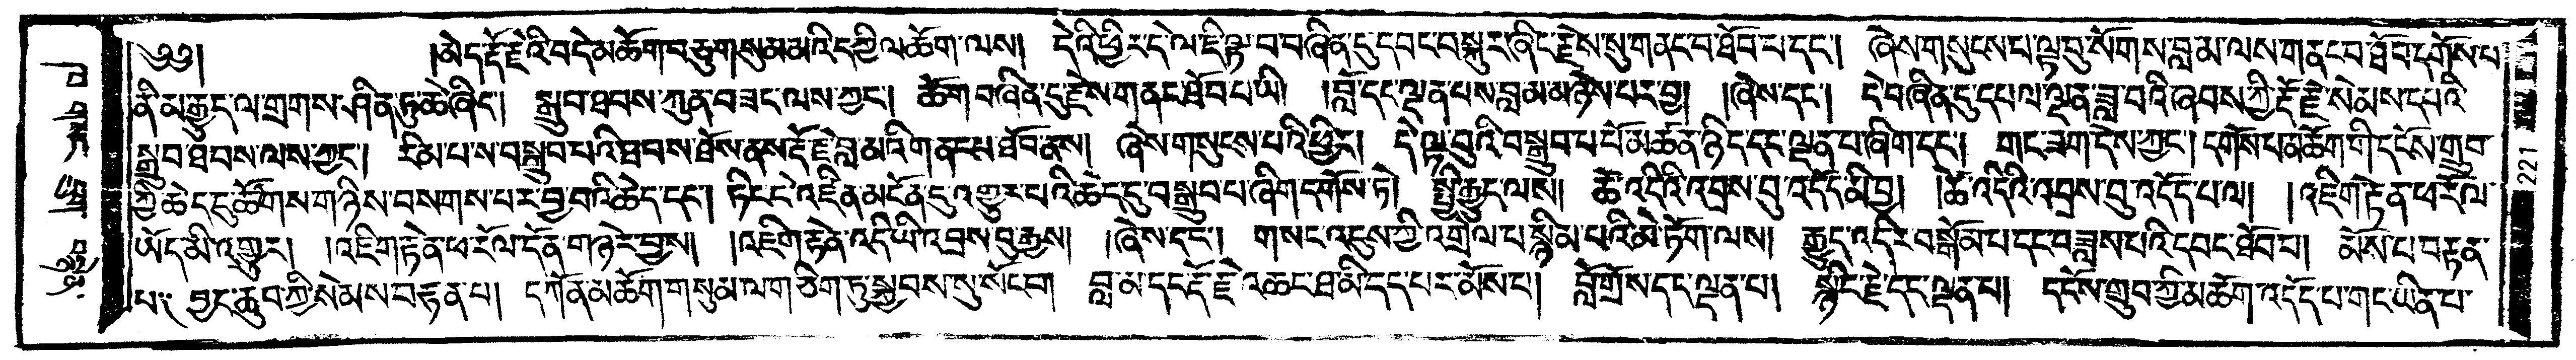༄༅། །མེད་རྡོ་རྗེའི་བདེ་མཆོག་བཅུ་གསུམ་མའི་དཀྱིལ་ཆོག་ལས། དེའི་ཕྱིར་དེ་ལ་ཇི་ལྟ་བ་བཞིན་དུ་དབང་བསྐུར་ཞིང་རྗེས་སུ་གནང་བ་ཐོབ་པ་དང་། ཞེས་གསུངས་པ་ལྟ་བུ་སོགས་བླ་མ་ལས་གནང་བ་ཐོབ་དགོས་པ་
ནི་མ་རྒྱུད་ལ་གྲགས་ཤིན་ཏུ་ཆེ་ཞིང་། སྒྲུབ་ཐབས་ཀུན་བཟང་ལས་ཀྱང་། ཆོ་ག་བཞིན་དུ་རྗེས་གནང་ཐོབ་པ་ཡི། །བློ་དང་ལྡན་པས་བླ་མ་མཉེས་པར་བྱ། །ཞེས་དང་། དེ་བཞིན་དུ་དཔལ་ལྡན་ཟླ་བའི་ཞབས་ཀྱི་རྡོ་རྗེ་སེམས་དཔའི་
སྒྲུབ་ཐབས་ལས་ཀྱང་། རིམ་པ་ས་བསྒྲུབ་པའི་ཐབས་ཐོས་ནས་རྡོ་རྗེ་བླ་མའི་གནང་པ་ཐོབ་ནས། ཞེས་གསུངས་པའི་ཕྱིར། དེ་ལྟ་བུའི་བསྒྲུབ་པ་པོ་མཚན་ཉིད་དང་ལྡན་པ་ཞིག་དང་། གང་ཟག་དེས་ཀྱང་། དགོས་པ་མཆོག་གི་དངོས་གྲུབ་
ཀྱི་ཆེད་དུ་ཚོགས་གཉིས་བསགས་པར་བྱ་བའི་ཆེད་དང་། ཏིང་ངེ་འཛིན་མངོན་དུ་འགྱུར་པའི་ཆེད་དུ་བསྒྲུབ་པ་ཞིག་དགོས་ཏེ། སྤྱི་རྒྱུད་ལས། ཚེ་འདིའི་འབྲས་བུ་འདོད་མི་བྱ། །ཚེ་འདིའི་འབྲས་བུ་འདོད་པ་ལ། །འཇིག་རྟེན་ཕ་རོལ་
ཡོད་མི་འགྱུར། །འཇིག་རྟེན་ཕ་རོལ་དོན་གཉེར་བྱས། །འཇིག་རྟེན་འདི་ཡི་འབྲས་བུ་རྒྱས། །ཞེས་དང་། གསང་འདུས་ཀྱི་འགྲེལ་པ་སྙིམ་པའི་མེ་ཏོག་ལས། རྒྱུད་འདིར་བསྒོམ་པ་དང་བཟླས་པའི་དབང་ཐོབ་པ། མོས་པ་བརྟན་
པ༑ བྱང་ཆུབ་ཀྱི་སེམས་བརྟན་པ། དཀོན་མཆོག་གསུམ་ལ་གཅིག་ཏུ་སྐྱབས་སུ་སོང་བ། བླ་མ་དང་རྡོ་རྗེ་འཆང་ཐ་མི་དད་པར་མོས་པ། བློ་གྲོས་དང་ལྡན་པ། སྙིང་རྗེ་དང་ལྡན་པ། དངོས་གྲུབ་ཀྱི་མཆོག་འདོད་པ་གང་ཡིན་པ་